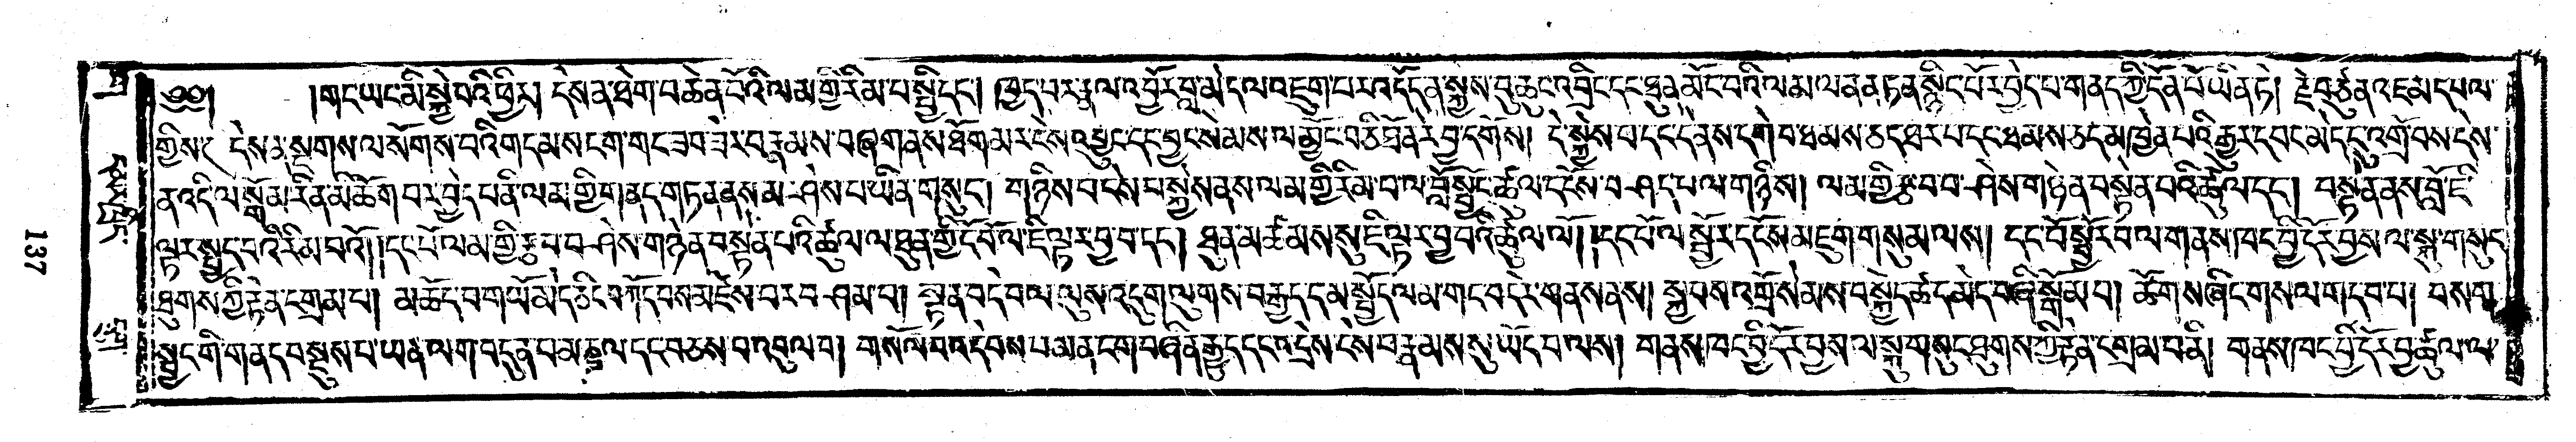༄༅། །གང་ཡང་མི་སྐྱེ་བའི་ཕྱིར། དེས་ན་ཐེག་པ་ཆེན་པོའི་ལམ་གྱི་རིམ་པ་སྤྱི་དང་། ཁྱད་པར་རྣལ་འབྱོར་བླ་མེད་ལ་འཇུག་པར་འདོད་ན་སྐྱེས་བུ་ཆུང་འབྲིང་དང་ཐུན་མོང་བའི་ལམ་ལ་ནན་ཏན་སྙིང་པོར་བྱེད་པ་གནད་ཀྱི་དོན་པོ་ཡིན་ཏེ། རྗེ་བཙུན་འཇམ་དཔལ་
གྱིས༑ དེས་ན་སྔགས་ལ་སོགས་པའི་གདམས་ངག་གང་ཟབ་ཟེར་བ་རྣམས་བཞག་ནས་ཐོག་མར་ངེས་འབྱུང་དང་བྱང་སེམས་ལ་མྱོང་བ་ཅི་ཐོན་རེ་བྱ་དགོས། དེ་སྐྱེས་པ་དང་དེ་ནས་དགེ་བ་ཐམས་ཅད་ཐར་པ་དང་ཐམས་ཅད་མཁྱེན་པའི་རྒྱུར་དབང་མེད་དུ་འགྲོ་བས་དེས་
ན་འདི་ལ་སྒོམ་རིན་མི་ཆོག་བར་བྱེད་པ་ནི་ལམ་གྱི་གནད་གཏན་ནས་མ་ཤེས་པ་ཡིན་གསུང་། གཉིས་པ་ངེས་པ་སྐྱེས་ནས་ལམ་གྱི་རིམ་པ་ལ་བློ་སྦྱོང་ཚུལ་དངོས་བཤད་པ་ལ་གཉིས། ལམ་གྱི་རྩབ་བ་ཤེས་གཉེན་བསྟེན་པའི་ཚུལ་དང་། བསྟན་ནས་བློ་ཇི་
ལྟར་སྦྱད་པའི་རིམ་པའོ། །དང་པོ་ལམ་གྱི་རྩ་བ་བཤེས་གཉེན་བསྟན་པའི་ཚུལ་ལ་ཐུན་གྱི་ངོ་བོ་ལ་ཇི་ལྟར་བྱ་བ་དང་། ཐུན་མཚམས་སུ་ཇི་ལྟར་བྱ་བའི་ཚུལ་ལོ། །དང་པོ་ལ་སྦྱོར་དངོས་མཇུག་གསུམ་ལས། དང་པོ་སྦྱོར་བ་ལ་གནས་ཁང་བྱི་དོར་བྱས་ལ་སྐུ་གསུང་
ཐུགས་ཀྱི་རྟེན་དགྲམ་པ། མཆོད་པ་གཡོ་མེད་ཅིང་བཀོད་བས་མཛེས་པར་བཤམ་པ། སྟན་བདེ་བ་ལ་ལུས་འདུག་ལུགས་བརྒྱད་དམ་སྤྱོད་ལམ་གང་བ་དེར་གནས་ནས། སྐྱབས་འགྲོ་སེམས་བསྐྱེད་ཚད་མེད་བཞི་སྒོམ་པ། ཚོགས་ཞིང་གསལ་གདབ་པ། བསག་
སྦྱང་གི་གནད་བསྡུས་པ་ཡན་ལག་བདུན་པ་མཎྜལ་དང་བཅས་བ་འབུལ་བ། གསོལ་བ་འདེབས་པ་མན་ངག་བཞིན་རྒྱུད་དང་འདྲེས་ངེས་པ་རྣམས་སུ་ཡོད་པ་ལས། གནས་ཁང་བྱི་དོར་བྱས་ལ་སྐུ་གསུང་ཐུགས་ཀྱི་རྟེན་དགྲམ་བ་ནི། ནས་ཁང་བྱི་དོར་བྱ་ཚུལ་ལ་